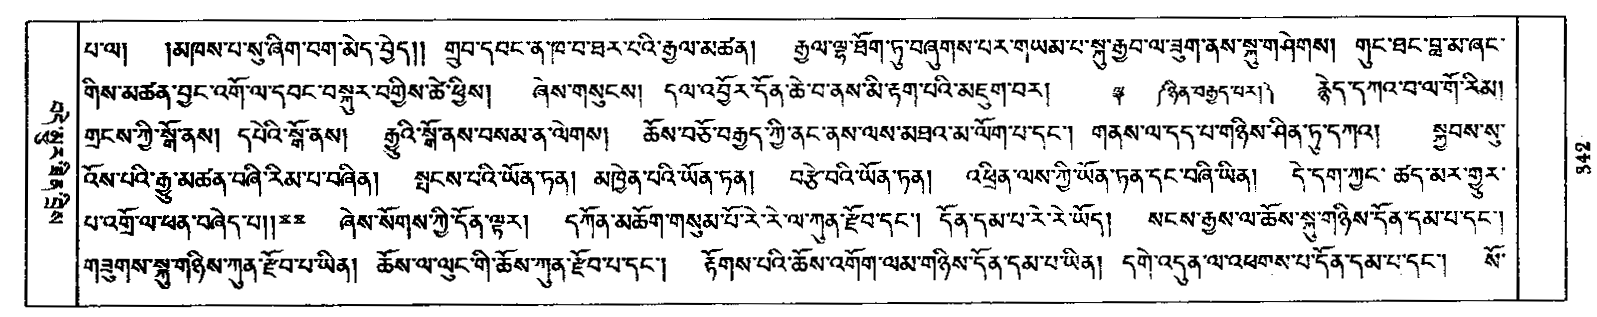པ་ལ། །མཁས་པ་སུ་ཞིག་བག་མེད་བྱེད།། གྲུབ་དབང་ན་ཁ་བ་ཐར་པའི་རྒྱལ་མཚན། རྒྱལ་ལྷ་ཐོག་ཏུ་བཞུགས་པར་གཡམ་པ་སྐུ་རྒྱབ་ལ་ཟུག་ནས་སྐུ་གཤེགས། གུང་ཐང་བླ་མ་ཞང་
གིས་མཚན་བྱང་འོག་ལ་དབང་བསྐུར་བགྱིས་ཚེ་ཕྱིས། ཞེས་གསུངས། དལ་འབྱོར་དོན་ཆེ་བ་ནས་མི་རྟག་པའི་མཇུག་བར། ༈ ཉིན་བརྒྱད་པར།?་རྙེད་དཀའ་བ་ལ་གོ་རིམ།
གྲངས་ཀྱི་སྒོ་ནས། དཔེའི་སྒོ་ནས། རྒྱུའི་སྒོ་ནས་བསམ་ན་ལེགས། ཆོས་བཅོ་བརྒྱད་ཀྱི་ནང་ནས་ལས་མཐའ་མ་ལོག་པ་དང་། གནས་ལ་དད་པ་གཉིས་ཤིན་ཏུ་དཀའ། སྐྱབས་སུ་
འོས་པའི་རྒྱུ་མཚན་བཞི་རིམ་པ་བཞིན། སྤངས་པའི་ཡོན་ཏན། མཁྱེན་པའི་ཡོན་ཏན། བརྩེ་བའི་ཡོན་ཏན། འཕྲིན་ལས་ཀྱི་ཡོན་ཏན་དང་བཞི་ཡིན། དེ་དག་ཀྱང་ཚད་མར་གྱུར་
པ་འགྲོ་ལ་ཕན་བཞེད་པ།། ྾་྾་ཞེས་སོགས་ཀྱི་དོན་ལྟར། དཀོན་མཆོག་གསུམ་པོ་རེ་རེ་ལ་ཀུན་རྫོབ་དང་། དོན་དམ་པ་རེ་རེ་ཡོད། སངས་རྒྱས་ལ་ཆོས་སྐུ་གཉིས་དོན་དམ་པ་དང་།
གཟུགས་སྐུ་གཉིས་ཀུན་རྫོབ་པ་ཡིན། ཆོས་ལ་ལུང་གི་ཆོས་ཀུན་རྫོབ་པ་དང་། རྟོགས་པའི་ཆོས་འགོག་ལམ་གཉིས་དོན་དམ་པ་ཡིན། དགེ་འདུན་ལ་འཕགས་པ་དོན་དམ་པ་དང་། སོ་